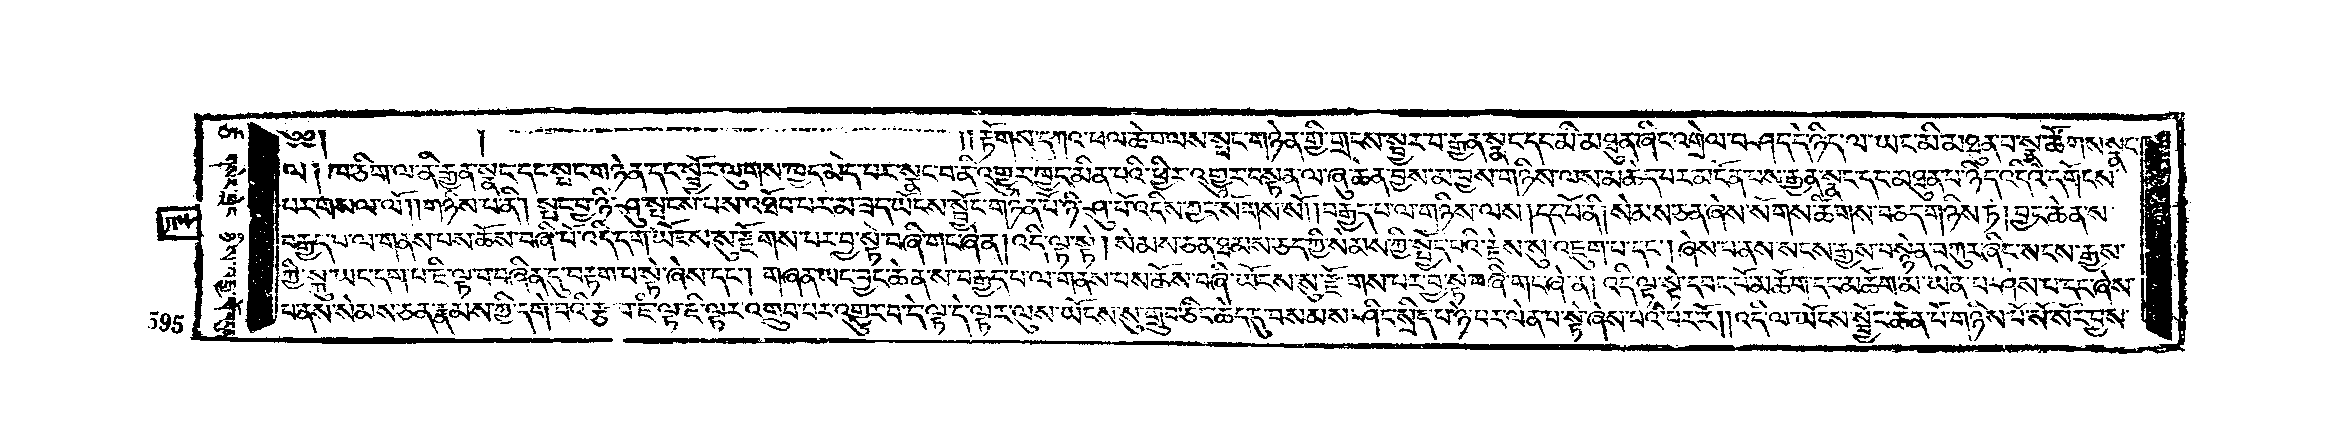༄༅། །རྟོགས་དཀའ་ཕལ་ཆེ་བ་ལས་སྤང་གཉེན་གྱི་གྲངས་སྦྱར་བ་རྒྱན་སྣང་དང་མི་མཐུན་ཞིང་འགྲེལ་བཤད་དེ་ཉིད་ལ་ཡང་མི་མཐུན་པ་སྣ་ཚོགས་སྣང་
ལ། ཁ་ཅིག་ལ་ནི་རྒྱན་སྣང་དང་སྤང་གཉེན་དང་སྦྱོར་ལུགས་ཁྱད་མེད་པར་སྣང་བ་ནི་འགྱུར་ཁྱད་མིན་པའི་ཕྱིར་འགྱུར་བསྟན་ལ་ཞུ་ཆེན་བྱས་མ་བྱས་གཉིས་ལས་མཆེད་པར་མངོན་པས་རྒྱན་སྣང་དང་མཐུན་པ་ཉིད་འདིའི་དགོངས་
པར་གསལ་ལོ། །གཉིས་པ་ནི། སྤང་བྱ་ཉི་ཤུ་སྤངས་པས་འཐོབ་པར་མ་ཟད་ཡོངས་སྦྱོང་གཉེན་པོ་ཉི་ཤུ་པོ་འདིས་ཀྱང་སོགས་སོ། །བརྒྱད་པ་ལ་གཉིས་ལས། དང་པོ་ནི། སེམས་ཅན་ཞེས་སོགས་ཚིགས་བཅད་གཉིས་ཏེ། བྱང་ཆེན་ས་
བརྒྱད་པ་ལ་གནས་པས་ཆོས་བཞི་པོ་འདི་དག་ཡོངས་སུ་རྫོགས་པར་བྱ་སྟེ་བཞི་གང་ཞེ་ན། འདི་ལྟ་སྟེ། སེམས་ཅན་ཐམས་ཅད་ཀྱི་སེམས་ཀྱི་སྤྱོད་པའི་རྗེས་སུ་འཇུག་པ་དང་། ཞེས་པ་ནས་སངས་རྒྱས་བསྙེན་བཀུར་ཞིང་སངས་རྒྱས་
ཀྱི་སྐུ་ཡང་དག་པ་ཇི་ལྟ་བ་བཞིན་དུ་བརྟག་པ་སྟེ་ཞེས་དང་། གཞན་ཡང་བྱང་ཆེན་ས་བརྒྱད་པ་ལ་གནས་པས་ཆོས་བཞི་ཡོངས་སུ་རྫོགས་པར་བྱ་སྟེ་བཞི་གང་ཞེ་ན། འདི་ལྟ་སྟེ་དབང་པོ་མཆོག་དང་མཆོག་མ་ཡིན་པ་ཤེས་པ་དང་ཞེས་
པ་ནས་སེམས་ཅན་རྣམས་ཀྱི་དགེ་བའི་རྩ་བ་ཇི་ལྟ་ཇི་ལྟར་འགྲུབ་པར་འགྱུར་བ་དེ་ལྟ་དེ་ལྟར་ལུས་ཡོངས་སུ་གྲུབ་ཅིང་ཆེད་དུ་བསམས་ཤིང་སྲིད་པ་ཉེ་བར་ལེན་པ་སྟེ་ཞེས་པའི་བར་རོ། །འདི་ལ་ཡོངས་སྦྱོང་ཆེན་པོ་གཉིས་པོ་སོ་སོར་བྱས་